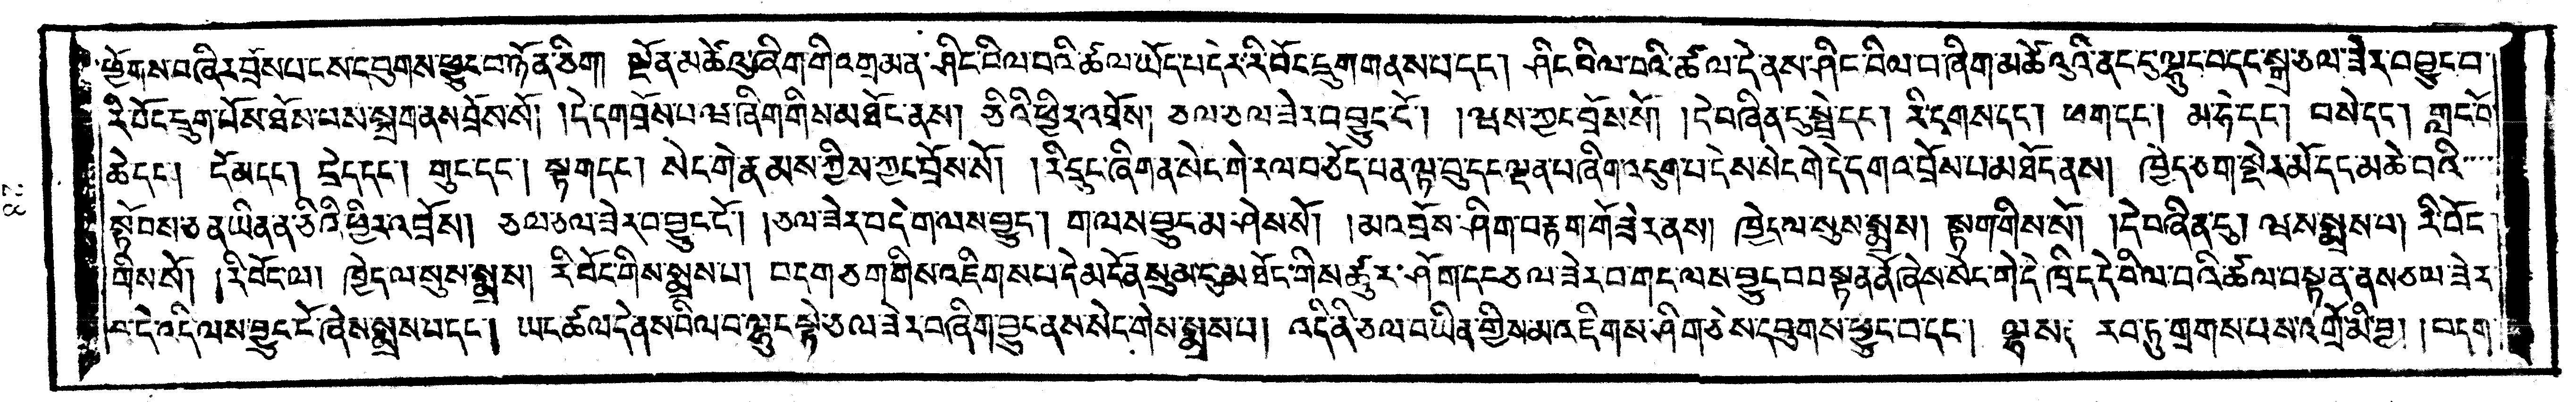ཕྱོགས་བཞིར་བྲོས་པ་ངས་དབུགས་ཕྱུང་བ་ཉོན་ཅིག། སྔོན་མཚེའུ་ཞིག་གི་འགྲམ་ན་ཤིང་བིལ་བའི་ཚལ་ཡོད་པ་དེར་རི་བོང་དྲུག་གནས་པ་དང་། ཤིང་བིལ་བའི་ཚལ་དེ་ནས་ཤིང་བིལ་བ་ཞིག་མཚེའུའི་ནང་དུ་ལྷུང་བ་དང་སྒྲ་ཅལ་ཟེར་བ་བྱུང་བ་
རི་བོང་དྲུག་པོས་ཐོས་པས་སྐྲག་ནས་བྲོས་སོ། །དེ་དག་བྲོས་པ་ཝ་ཞིག་གིས་མཐོང་ནས། ཅིའི་ཕྱིར་འབྲོས། ཅལ་ཅལ་ཟེར་བ་བྱུང་ངོ། །ཝས་ཀྱང་བྲོས་སོ། །དེ་བཞིན་དུ་སྦྲེ་དང་། རི་དྭགས་དང་། ཕག་དང་། མ་ཧེ་དང་། བསེ་དང་། གླང་བོ་
ཆེ་དང་། དོམ་དང་། དྲེད་དང་། གུང་དང་། སྟག་དང་། སེང་གེ་རྣམས་ཀྱིས་ཀྱང་བྲོས་སོ། །རི་དྲུང་ཞིག་ན་སེང་གེ་རལ་བ་ཅོད་པན་ལྟ་བུ་དང་ལྡན་པ་ཞིག་འདུག་པ་དེས་སེང་གེ་དེ་དགའ་བྲོས་པ་མཐོང་ནས། ཁྱེད་ཅག་སྡེར་མོ་དང་མཆེ་བའི་
སྟོབས་ཅན་ཡིན་ན་ཅིའི་ཕྱིར་འབྲོས། ཅལ་ཅལ་ཟེར་བ་བྱུང་ངོ། །ཅལ་ཟེར་བ་དེ་ག་ལས་བྱུང་། ག་ལས་བྱུང་མ་ཤེས་སོ། །མ་འབྲོས་ཤིག་བརྟག་གོ་ཟེར་ནས། ཁྱེད་ལ་སུས་སྨྲས། སྟག་གིས་སོ། །དེ་བཞིན་དུ། ཝས་སྨྲས་པ། རི་བོང་
གིས་སོ། །རི་བོང་ལ། ཁྱེད་ལ་སུས་སྨྲས། རི་བོང་གིས་སྨྲས་པ། བདག་ཅག་གིས་འཇིགས་པ་དེ་མངོན་སུམ་དུ་མཐོང་གིས་ཚུར་ཤོག་དང་ཅལ་ཟེར་བ་གང་ལས་བྱུང་བ་བསྟན་ནོ་ཞེས་སེང་གེ་དེ་ཁྲིད་དེ་བིལ་བའི་ཚལ་བསྟན་ནས་ཅལ་ཟེར་
བ་དེ་འདི་ལས་བྱུང་ངོ་ཞེས་སྨྲས་པ་དང་། ཡང་ཚལ་དེ་ནས་བིལ་བ་ལྷུང་སྟེ་ཅལ་ཟེར་བཞིག་བྱུང་ནས་སེང་གེས་སྨྲས་པ། འདི་ནི་ཅལ་བ་ཡིན་གྱིས་མ་འཇིགས་ཤིག་ཅེས་དབུགས་ཕྱུང་བ་དང་། ལྷས༑ རབ་ཏུ་གྲགས་པས་འགྲོ་མི་བྱ། །བདག་